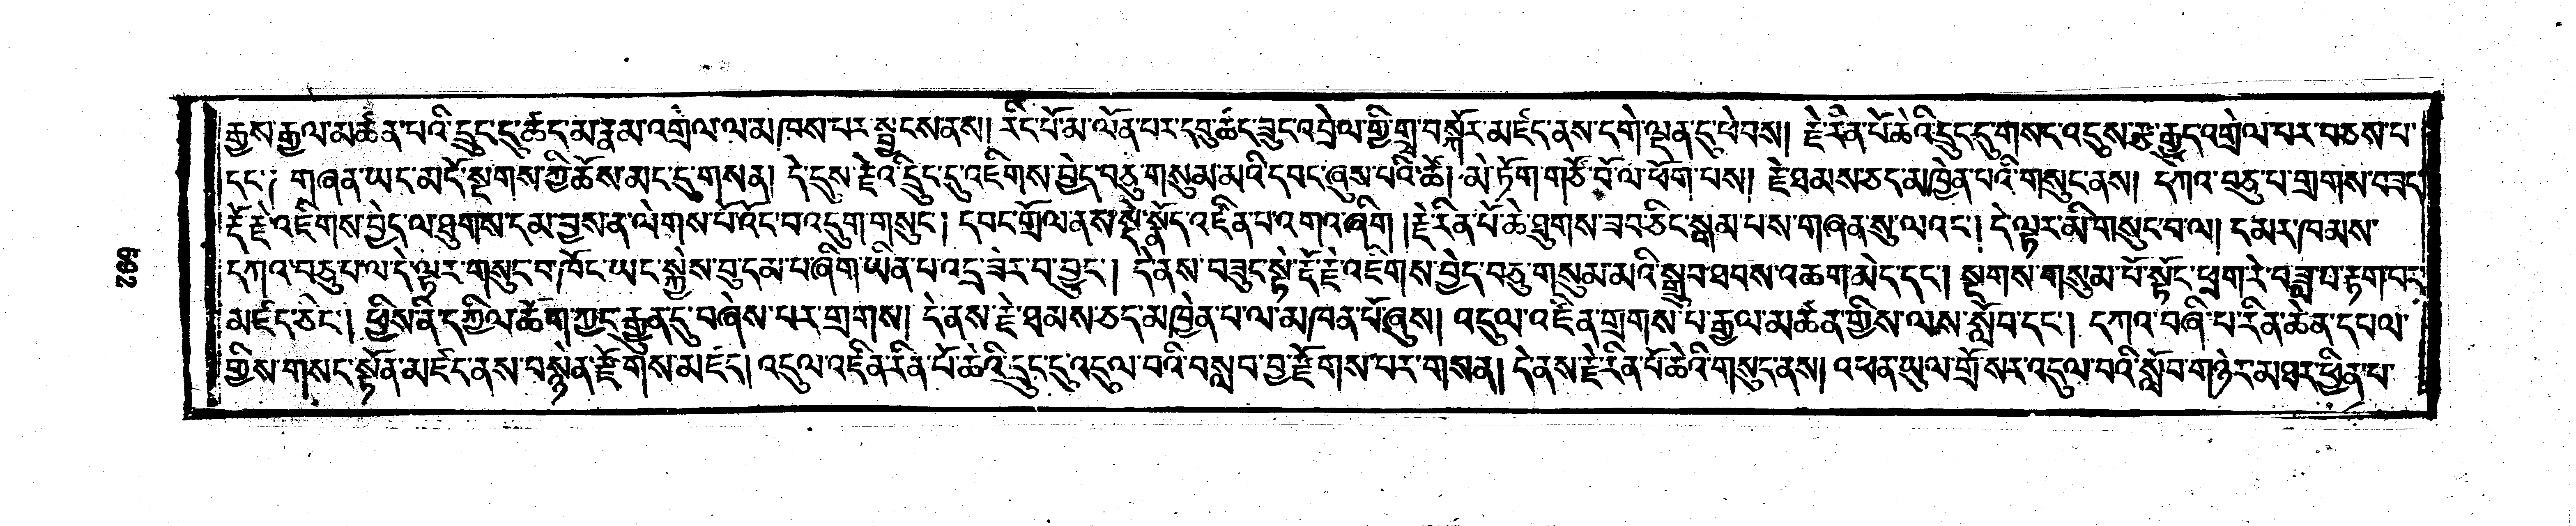རྒྱས་རྒྱལ་མཚན་པའི་དྲུང་དུ་ཚད་མ་རྣམ་འགྲེལ་ལ་མཁས་པར་སྦྱངས་པས། རིང་པོ་མ་ལོན་པར་དབུ་ཚད་ཟུང་འབྲེལ་གྱི་གྲྭ་བསྐོར་མཛད་ནས་དགེ་ལྡན་དུ་ཕེབས། རྗེ་རིན་པོ་ཆེའི་དྲུང་དུ་གསང་འདུས་རྩ་རྒྱུད་འགྲེལ་པར་བཅས་པ་
དང༑ གཞན་ཡང་མདོ་སྔགས་ཀྱི་ཆོས་མང་དུ་གསན། དེ་དུས་རྗེའི་དྲུང་དུ་འཇིགས་བྱེད་བཅུ་གསུམ་མ་ཡི་དབང་ཞུས་པའི་ཚེ། མེ་ཏོག་གཙོ་བོ་ལ་ཕོག་པས། རྗེ་ཐམས་ཅད་མཁྱེན་པའི་གསུང་ནས། དཀའ་བཅུ་པ་གྲགས་བཟང་
རྡོ་རྗེ་འཇིགས་བྱེད་ལ་ཐུགས་དམ་བྱས་ན་ལེགས་པོ་འོང་བ་འདུག་གསུང་། དབང་གྲོལ་ནས་སྡེ་སྣོད་འཛིན་པ་འགའ་ཞིག །རྗེ་རིན་པོ་ཆེ་ཐུགས་ཟབ་ཅིང་སྒམ་པས་གཞན་སུ་ལའང་། དེ་ལྟར་མི་གསུང་བ་ལ། དམར་ཁམས་
དཀའ་བཅུ་པ་ལ་དེ་ལྟར་གསུང་བ་ཁོང་ཡང་སྐྱེས་བུ་དམ་པ་ཞིག་ཡིན་པ་འདྲ་ཟེར་བ་བྱུང་། དེ་ནས་བཟུང་སྟེ་རྡོ་རྗེ་འཇིགས་བྱེད་བཅུ་གསུམ་མའི་སྒྲུབ་ཐབས་འཆག་མེད་དང་། སྔགས་གསུམ་པོ་སྟོང་ཕྲག་རེ་བཟླ་བ་རྟག་པར་
མཛད་ཅིང་། ཕྱིས་ནི་དཀྱིལ་ཆོག་ཀྱང་རྒྱུན་དུ་བཞེས་པར་གྲགས། དེ་ནས་རྗེ་ཐམས་ཅད་མཁྱེན་པ་ལ་མཁན་པོ་ཞུས། འདུལ་འཛིན་གྲགས་པ་རྒྱལ་མཚན་གྱིས་ལས་སློབ་དང་། དཀའ་བཞི་པ་རིན་ཆེན་དཔལ་
གྱིས་གསང་སྟོན་མཛད་ནས་བསྙེན་རྫོགས་མཛད། འདུལ་འཛིན་རིན་པོ་ཆེའི་དྲུང་དུ་འདུལ་བའི་བསླབ་བྱ་རྫོགས་པར་གསན། དེ་ནས་རྗེ་རིན་པོ་ཆེའི་གསུང་ནས། འཕན་ཡུལ་གྲོ་སར་འདུལ་བའི་སློབ་གཉེར་མཐར་ཕྱིན་པ་